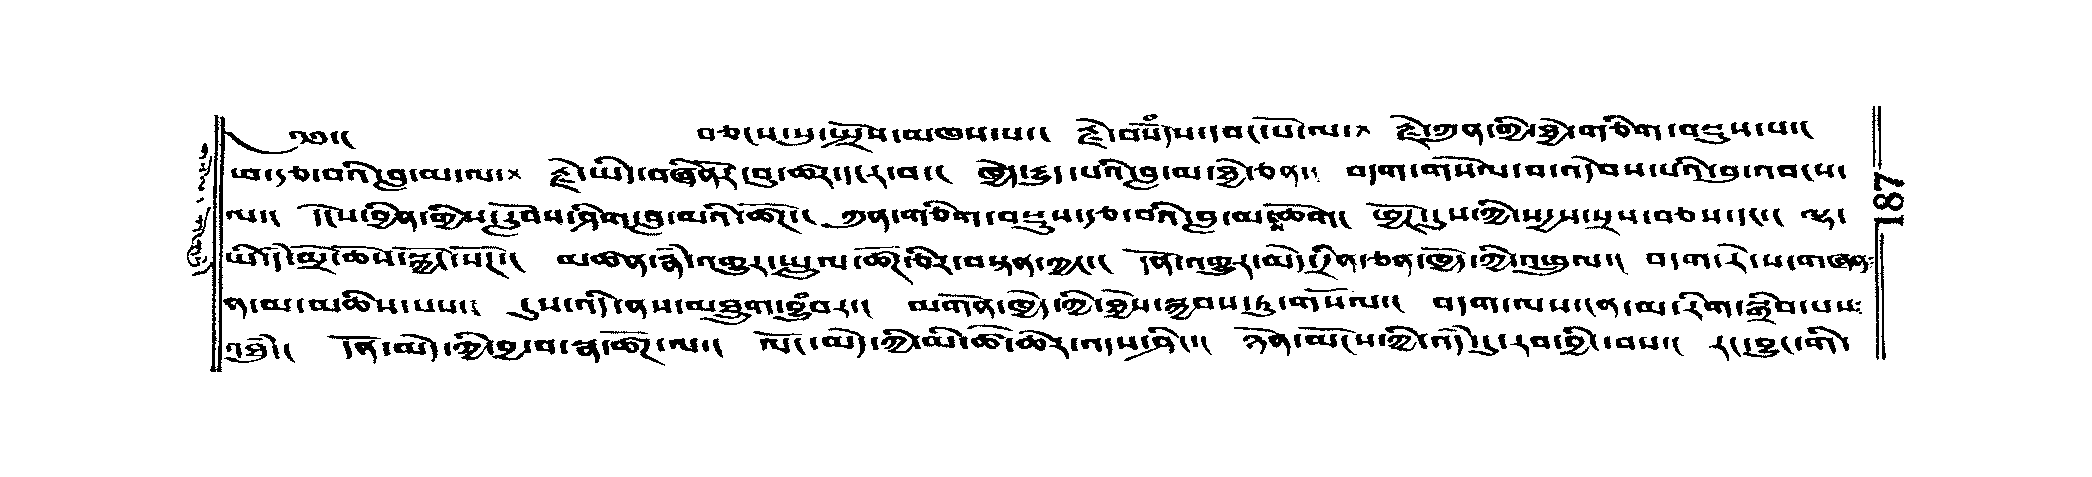བཅངས་སུ་སྤྲོད་མཁས་པ། །རྗེ་བསོད་ནམས་དབང་པོ་ལ༴ །རྗེ་ཀུན་གྱི་ཐུགས་རྗེ་གཅིག་བསྡུས་པ། །
ཕ་རྩ་བའི་བླ་མ་ལ༴ །རྗེ་ཡིད་བཞིན་ནོར་བུ་ཚར་དངར་བ། །ཁྱེད་རྒྱུད་པའི་བླ་མ་ཐུགས་རྗེ་ཅན། །བདག་གསོལ་བ་འདེབས་པའི་བུ་འབངས་
ལ། །དེང་བྱིན་གྱིས་རློབས་ཤིག་བླ་མའི་ཚོགས། །ཀུན་གཅིག་བསྡུས་རྩ་བའི་བླ་མ་མཆོག །ཕྱོགས་དུས་ཀྱི་སངས་རྒྱས་སྲས་བཅས་དང་། །ལྷ་
ཡི་དམ་མཁའ་འགྲོ་ཆོས་སྐྱོང་སོགས། །མཚན་རྣམ་འགྱུར་སྤྲུལ་ཚོགས་ཅིར་བསྟན་ཀྱང་། །དོན་འགྱུར་མེད་དྲིན་ཅན་ཁྱོད་ཀྱི་འཕྲུལ། །བདག་རེ་ས་གཞན་
ན་མ་མཆིས་པས། །དུས་འདི་ནས་མཐར་ཐུག་བྱང་ཆུབ་བར། །མགོན་ཁྱེད་ཀྱི་ཐུགས་རྗེས་སྐྱབ་ཏུ་གསོལ། །བདག་ལས་ངན་མ་རིག་སྒྲིབ་པས་
འཐུམ། །དོན་མེད་ཀྱི་བྱ་བ་སྣ་ཚོགས་ལ། །ལོང་མེད་ཀྱི་མི་ཚེ་ཆེར་འདས་ཤིང་། །ཉོན་མོངས་ཀྱི་འདམ་དུ་རབ་བྱིང་བས། །རང་བྱུང་གི་